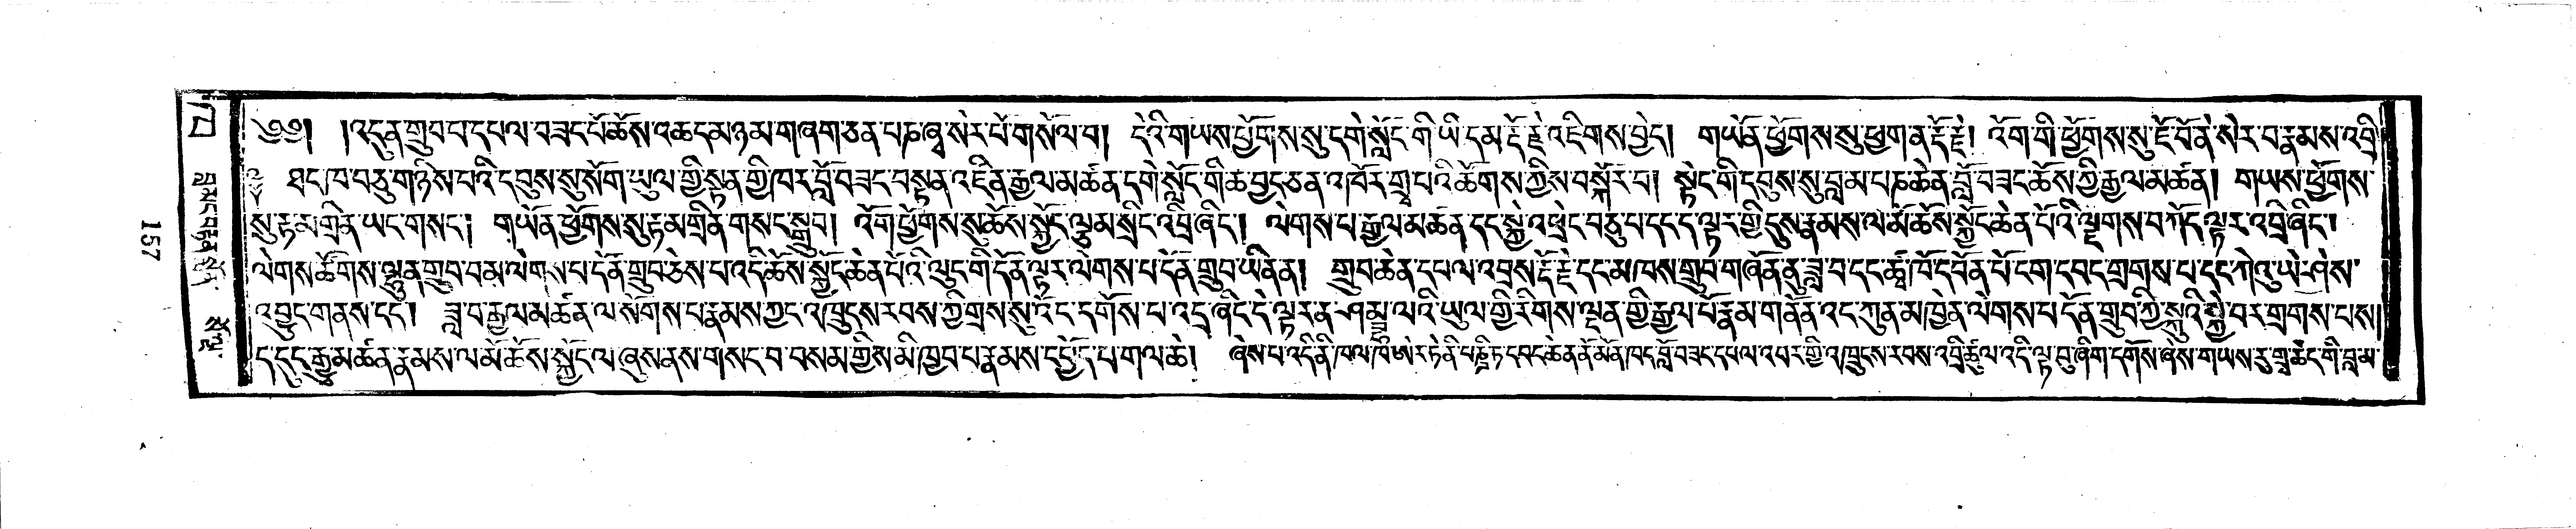༄༅། །འདུན་གྲུབ་པ་དཔལ་བཟང་པོ་ཆོས་འཆད་མཉམ་གཞག་ཅན་པཎ་ཞྭ་སེར་པོ་གསོལ་བ། དེའི་གཡས་ཕྱོགས་སུ་དགེ་སློང་གི་ཡི་དམ་རྡོ་རྗེ་འཇིགས་བྱེད། གཡོན་ཕྱོགས་སུ་ཕྱག་ན་རྡོ་རྗེ། འོག་གི་ཕྱོགས་སུ་ཇོ་བོ་ནེ་སེར་བ་རྣམས་འབྲི་
༈ ཐང་ཁ་བཅུ་གཉིས་པའི་དབུས་སུ་སོག་ཡུལ་གྱི་སྟན་གྱི་ཁར་བློ་བཟང་བསྟན་འཛིན་རྒྱལ་མཚན་དགེ་སློང་གི་ཆ་བྱད་ཅན་འཁོར་གྲྭ་པའི་ཚོགས་ཀྱིས་བསྐོར་བ། སྟེང་གི་དབུས་སུ་བླ་མ་པཎ་ཆེན་བློ་བཟང་ཆོས་ཀྱི་རྒྱལ་མཚན། གཡས་ཕྱོགས་
སུ་རྟ་མགྲིན་ཡང་གསང་། གཡོན་ཕྱོགས་སུ་རྟ་མགྲིན་གསང་སྒྲུབ། འོག་ཕྱོགས་སུ་ཆོས་སྐྱོང་ལྕམ་སྲིད་འབྲི་ཞིང་། ལེགས་པ་རྒྱལ་མཚན་དང་སྐྱེ་འཕྲེང་བཅུ་པ་དང་ད་ལྟར་གྱི་དུས་རྣམས་ལ་མོ་ཆོས་སྐྱོད་ཆེན་པོའི་ལྗགས་བཀོད་ལྟར་འབྲི་ཞིང་།
ལེགས་ཚོགས་ལྷུན་གྲུབ་བམ་ལེགས་པ་དོན་གྲུབ་ཅེས་པ་འདི་ཆོས་སྐྱོད་ཆེན་པོའི་ལུང་གི་དོན་ལྟར་ལེགས་པ་དོན་གྲུབ་ཡིན་ན། གྲུབ་ཆེན་དཔལ་འབྲས་རྡོ་རྗེ་དང་མཁས་གྲུབ་གཞོན་ནུ་ཟླ་བ་དང་ཚྭ་ཁོ་དབོན་པོ་ངག་དབང་གྲགས་པ་དང་ཀེའུ་ཡེ་ཤེས་
འབྱུང་གནས་དང་། ཟླ་བ་རྒྱལ་མཚན་ལ་སོགས་པ་རྣམས་ཀྱང་འཁྲུངས་རབས་ཀྱི་གྲས་སུ་འོད་དགོས་པ་འདྲ་ཞིང་དེ་ལྟར་ན་ཤམྦྷ་ལའི་ཡུལ་གྱི་རིགས་ལྡན་གྱི་རྒྱལ་པོ་རྣམ་ག་ནོན་འང་ཀུན་མཁྱེན་ལེགས་པ་དོན་གྲུབ་ཀྱི་སྐུའི་སྐྱེ་བར་གྲགས་པས།
ད་དུང་རྒྱུ་མཚན་རྣམས་ལ་མོ་ཆོས་སྐྱོང་ལ་ཞུས་ནས་གསང་བ་བསམ་གྱིས་མི་ཁྱབ་པ་རྣམས་དབྱོད་པ་གལ་ཆེ། ཞེས་པ་འདི་ནི་ཁལ་ཁ་ཨེར་ཏེ་ནི་པཎྜི་ཏ་དབང་ཆེན་ནོ་མོན་ཁང་བློ་བཟང་དཔལ་འབར་གྱི་འཁྲུངས་རབས་འབྲི་ཚུལ་འདི་ལྟ་བུ་ཞིག་དགོས་ཞེས་གཡས་རུ་གྲྭ་ཚང་གི་བླ་མ་